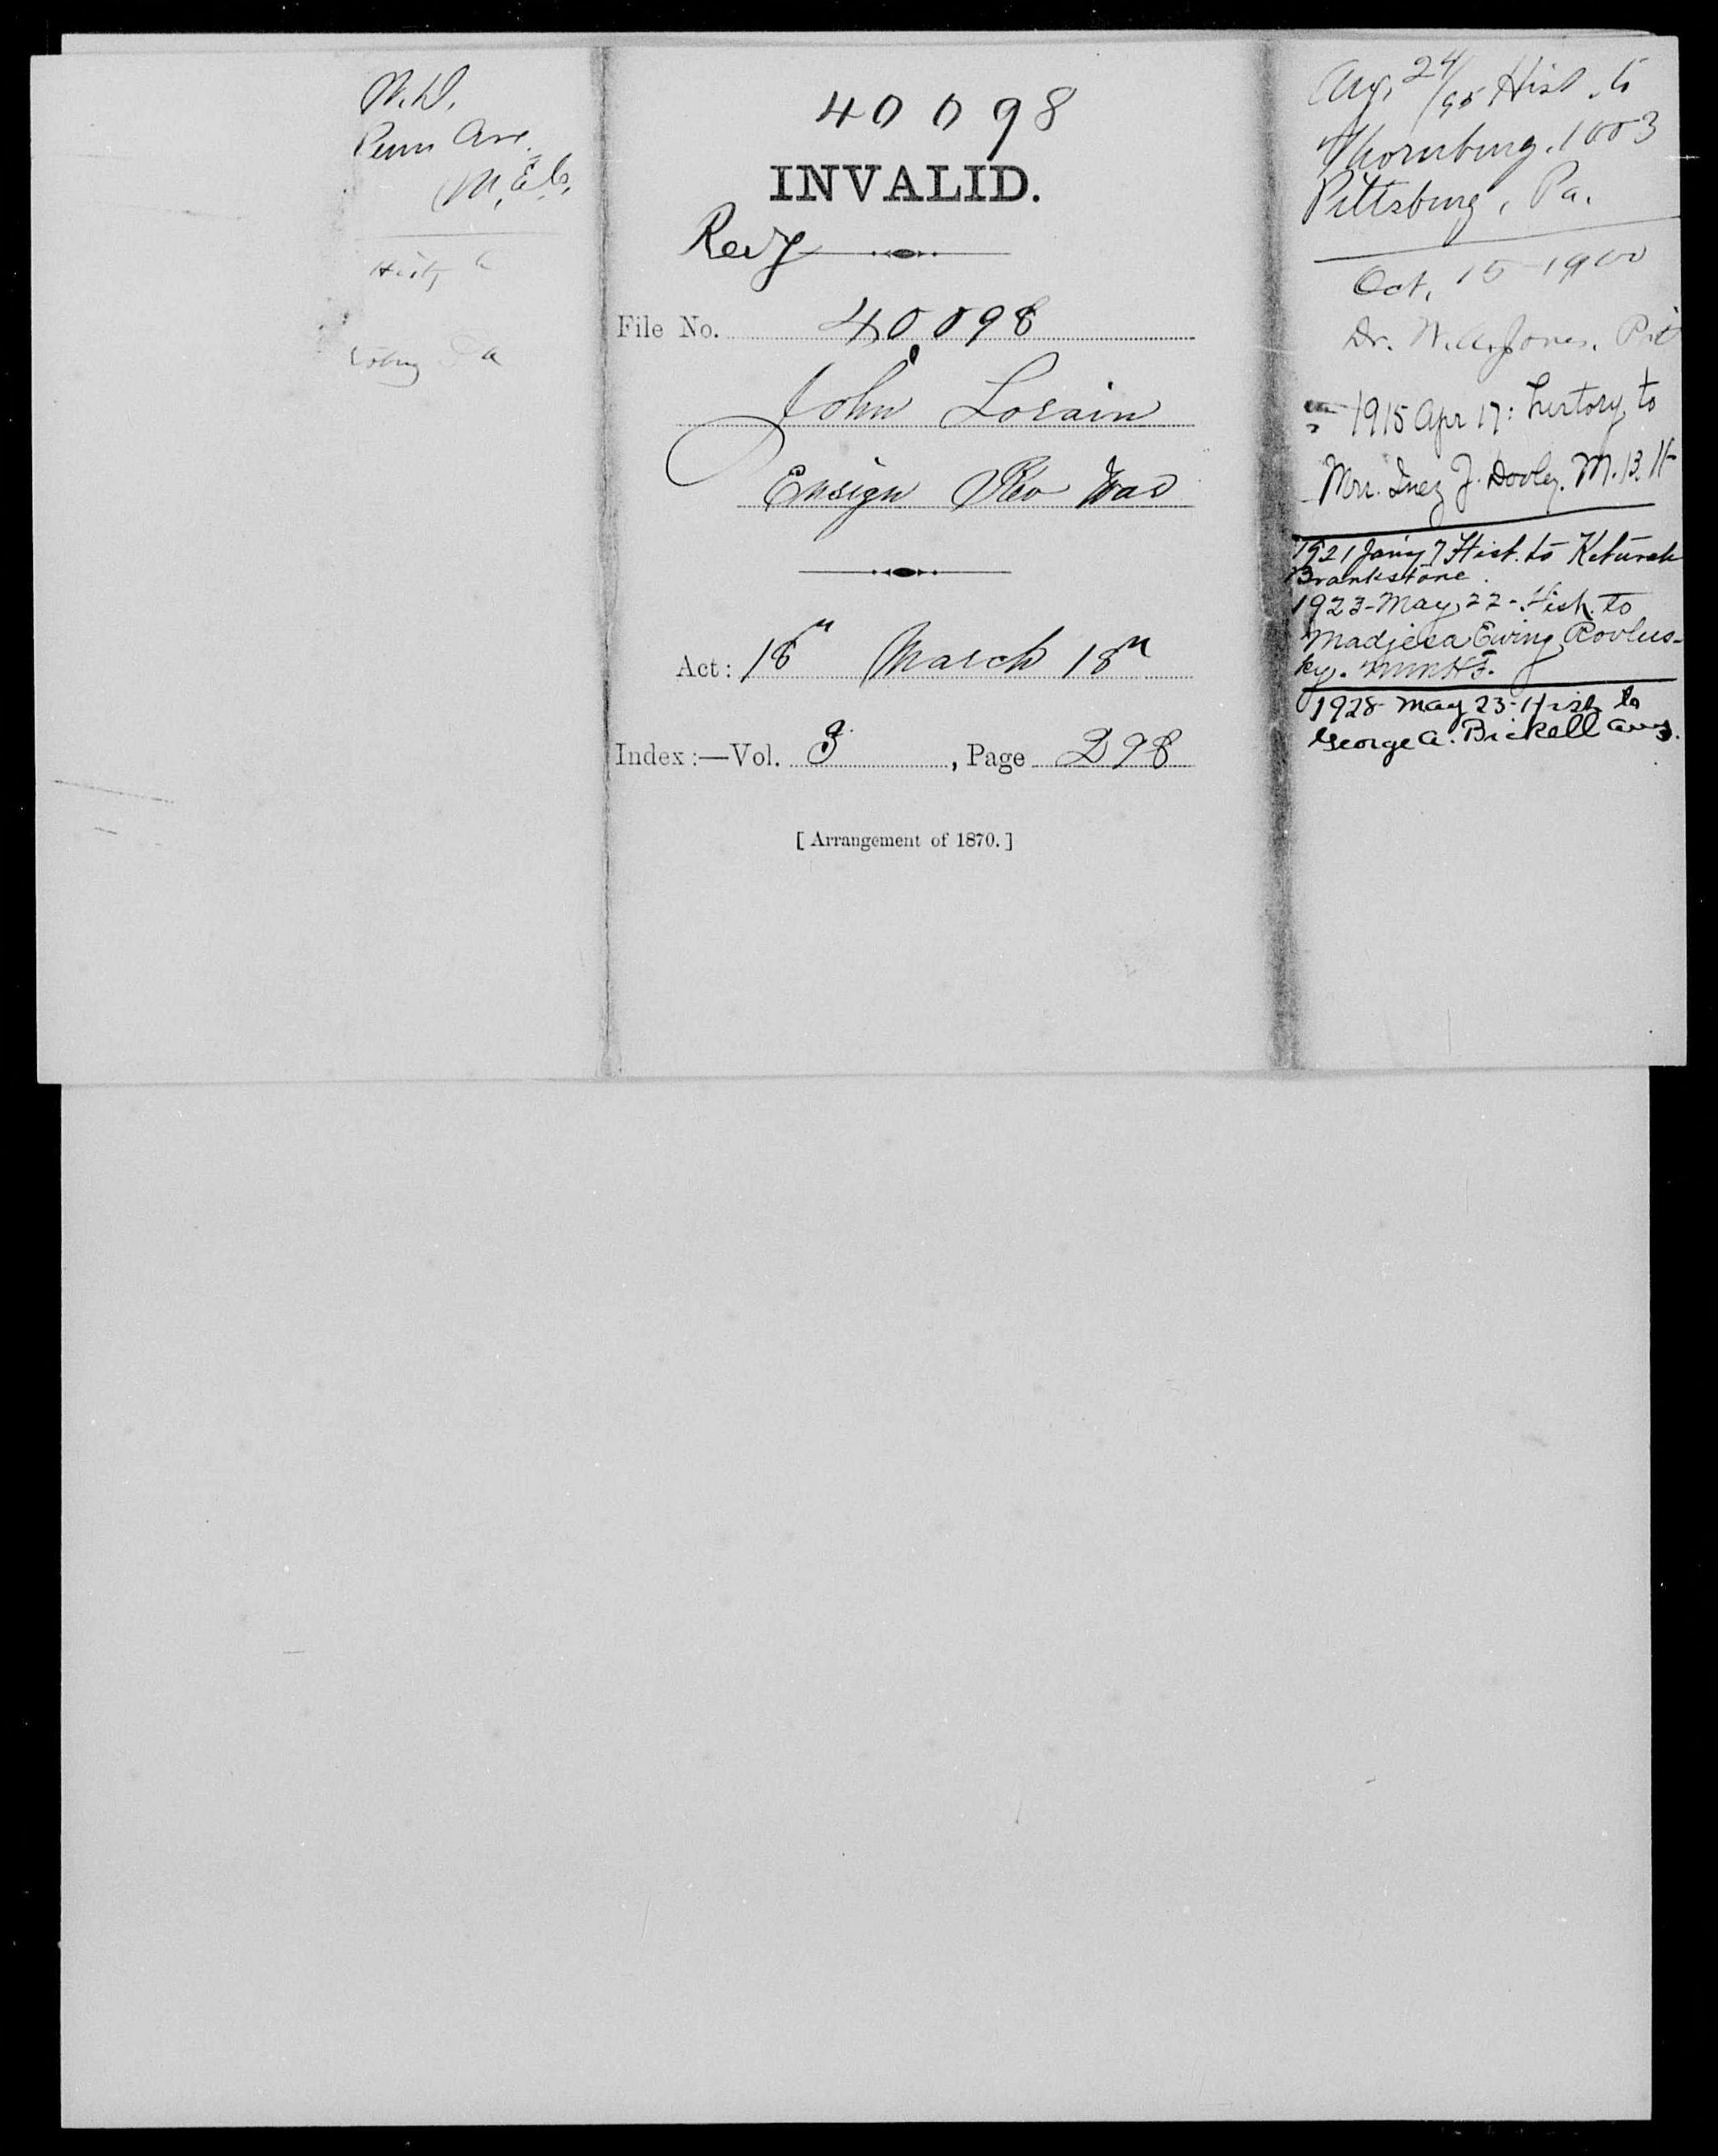N.D.
Penn Ave.
[illegible]

40098
INVALID
[illegible]
File No.  40098
John Lorain
Ensign Rev [Revolutionary] War

Act:  18th March 18th
Index: ---Vol.  3, Page 298
[Arrangement of 1870.]


Aug 24 / 95 hist [history] to Thornburg, 1003
Pittsburg, Pa.

Oct. 15 1900
Dr W. A. Jones, Pat
1915 Apr 17:  history to Mrs. Inez J. Dooley. M.13.11-

1921 Jan'y [January] 7 Hist. to Keturah Brankstone.
1923-May 22 - Hist. to Madjesa Ewing Rovlusky. [illegible]

1928-May 23 - Hist to George A Brickell [illegible]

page: 13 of 21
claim: survivor's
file: S. 40,098, for John Lorain, Pennsylvania